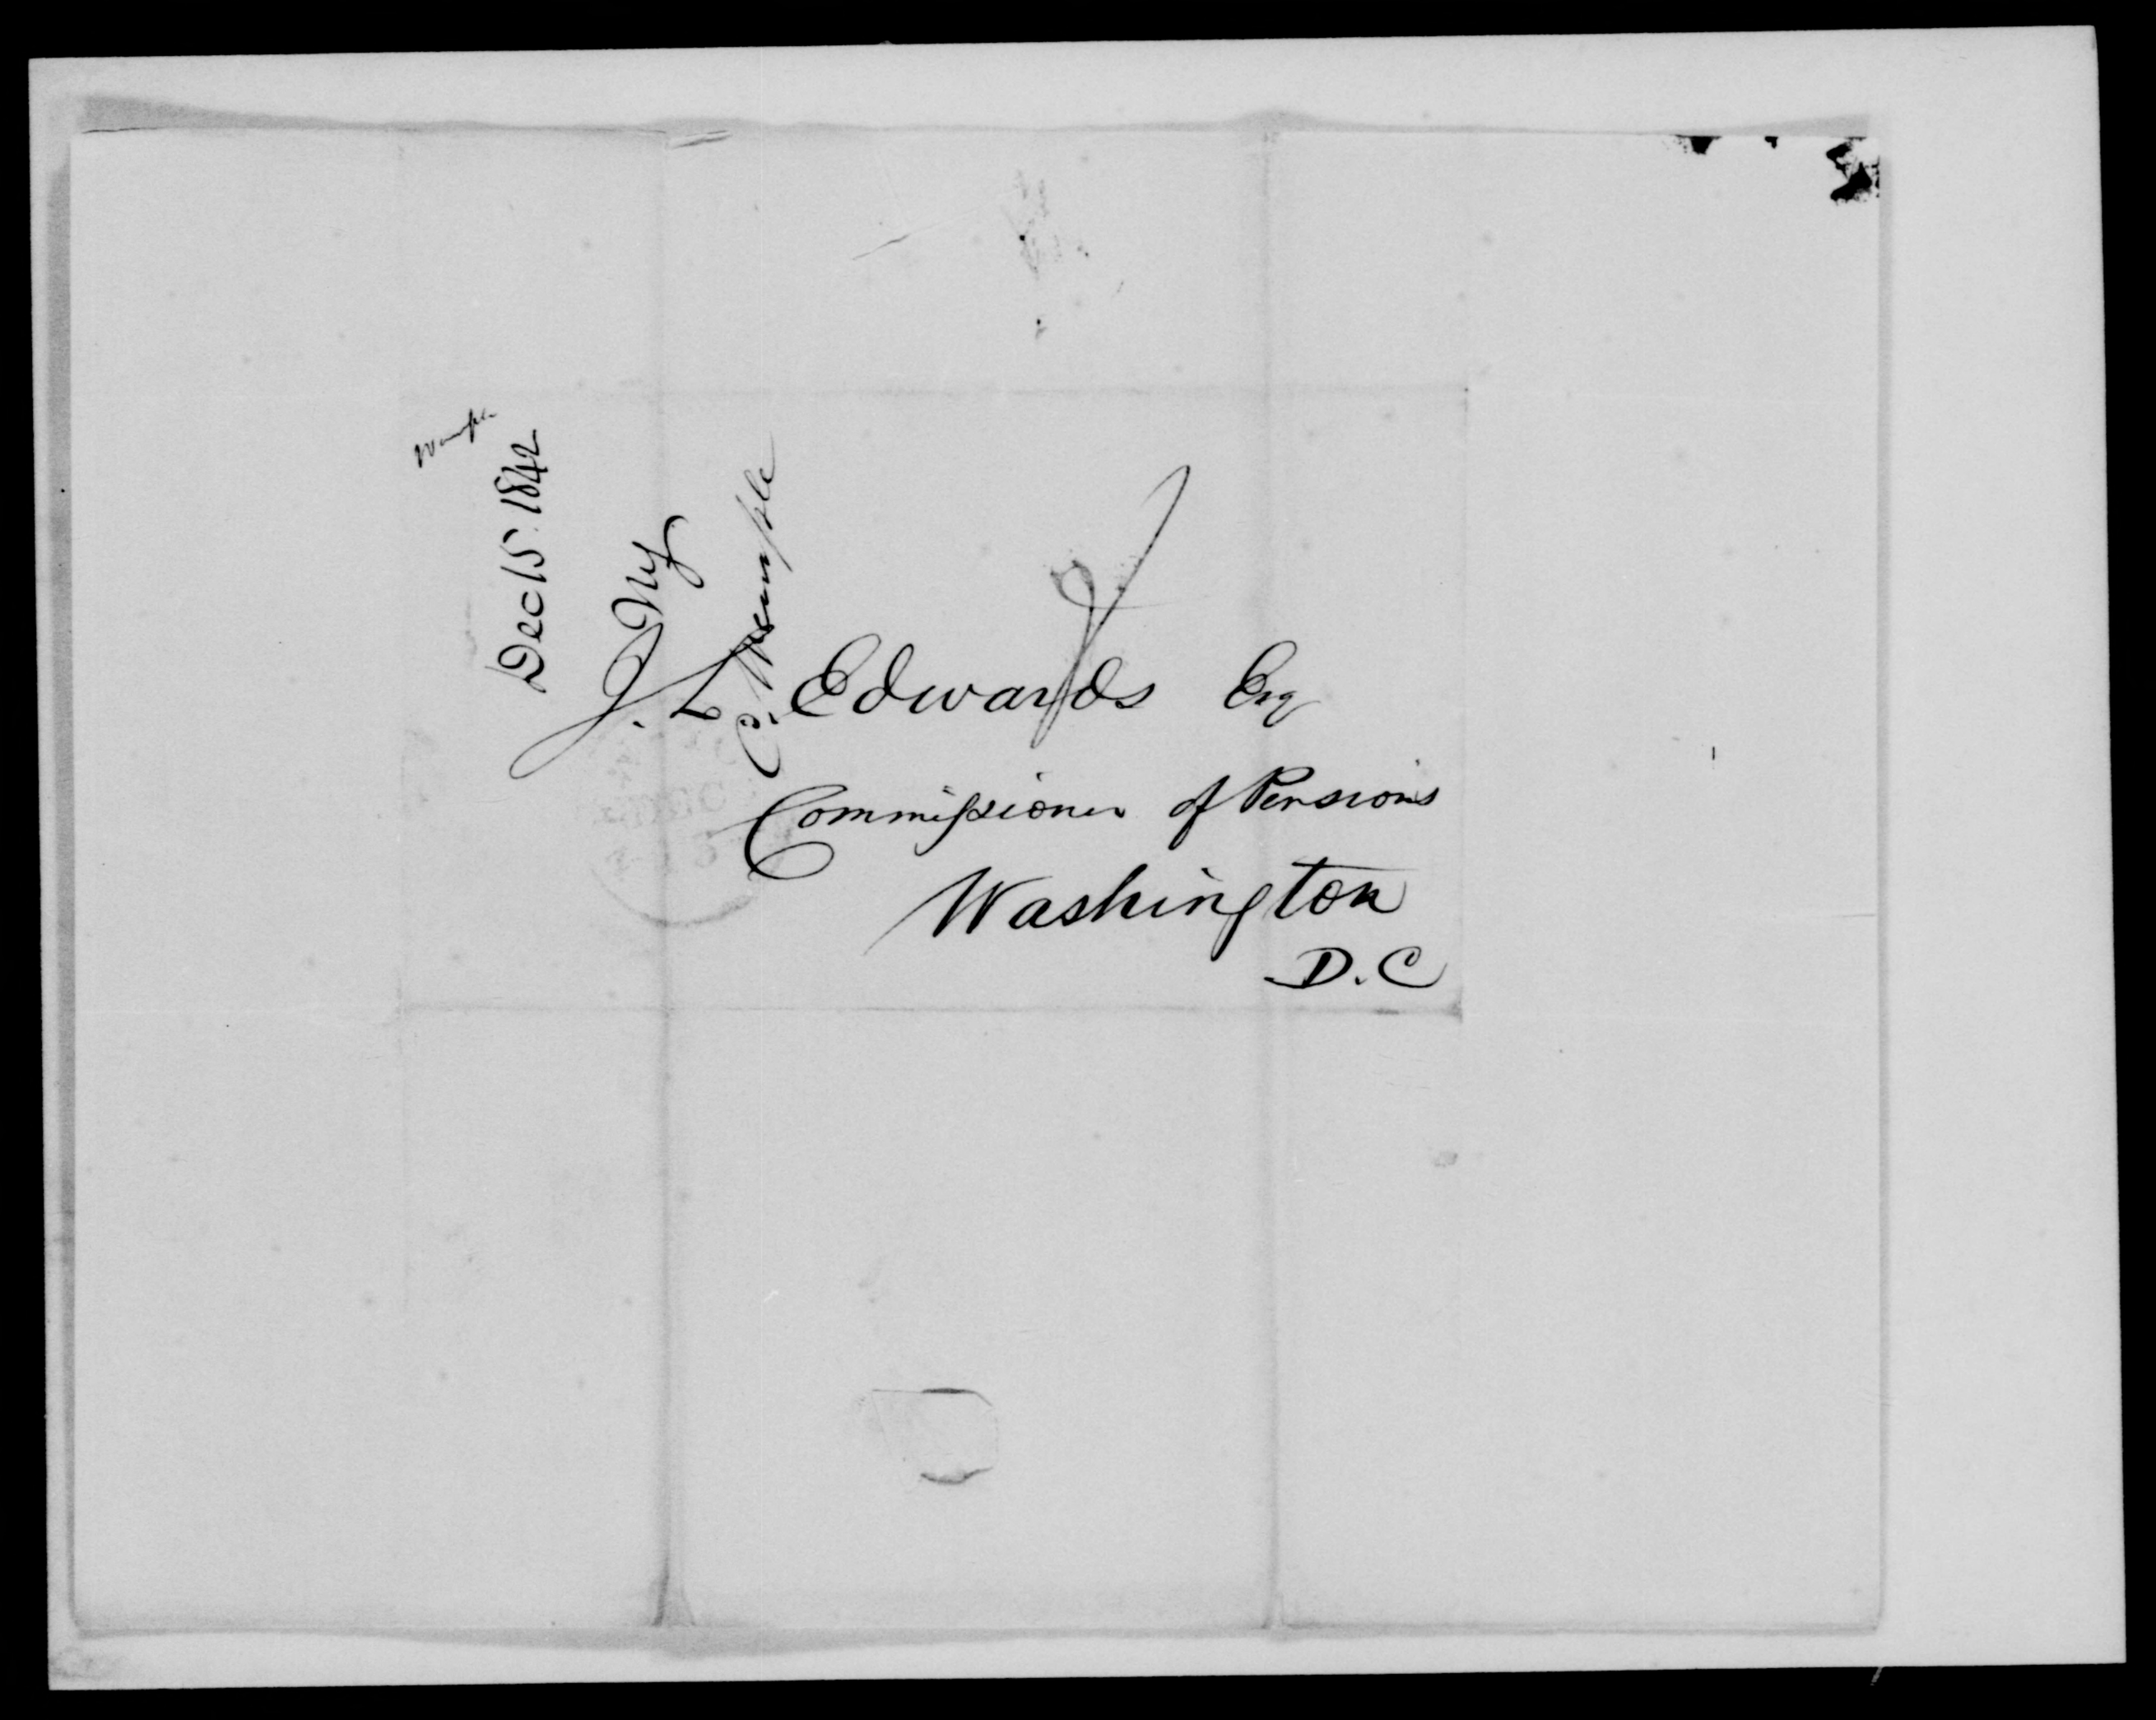J. L. Edwards  Esq
Commissioner of Pensions
Washington
D. C

(written sideways)
Wemple
Dec 15 1842
NY

C. Wemple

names: C Wemple, J L Edwards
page: 26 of 51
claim: widow's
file: W. 19604, Myndert B Wemple, New York